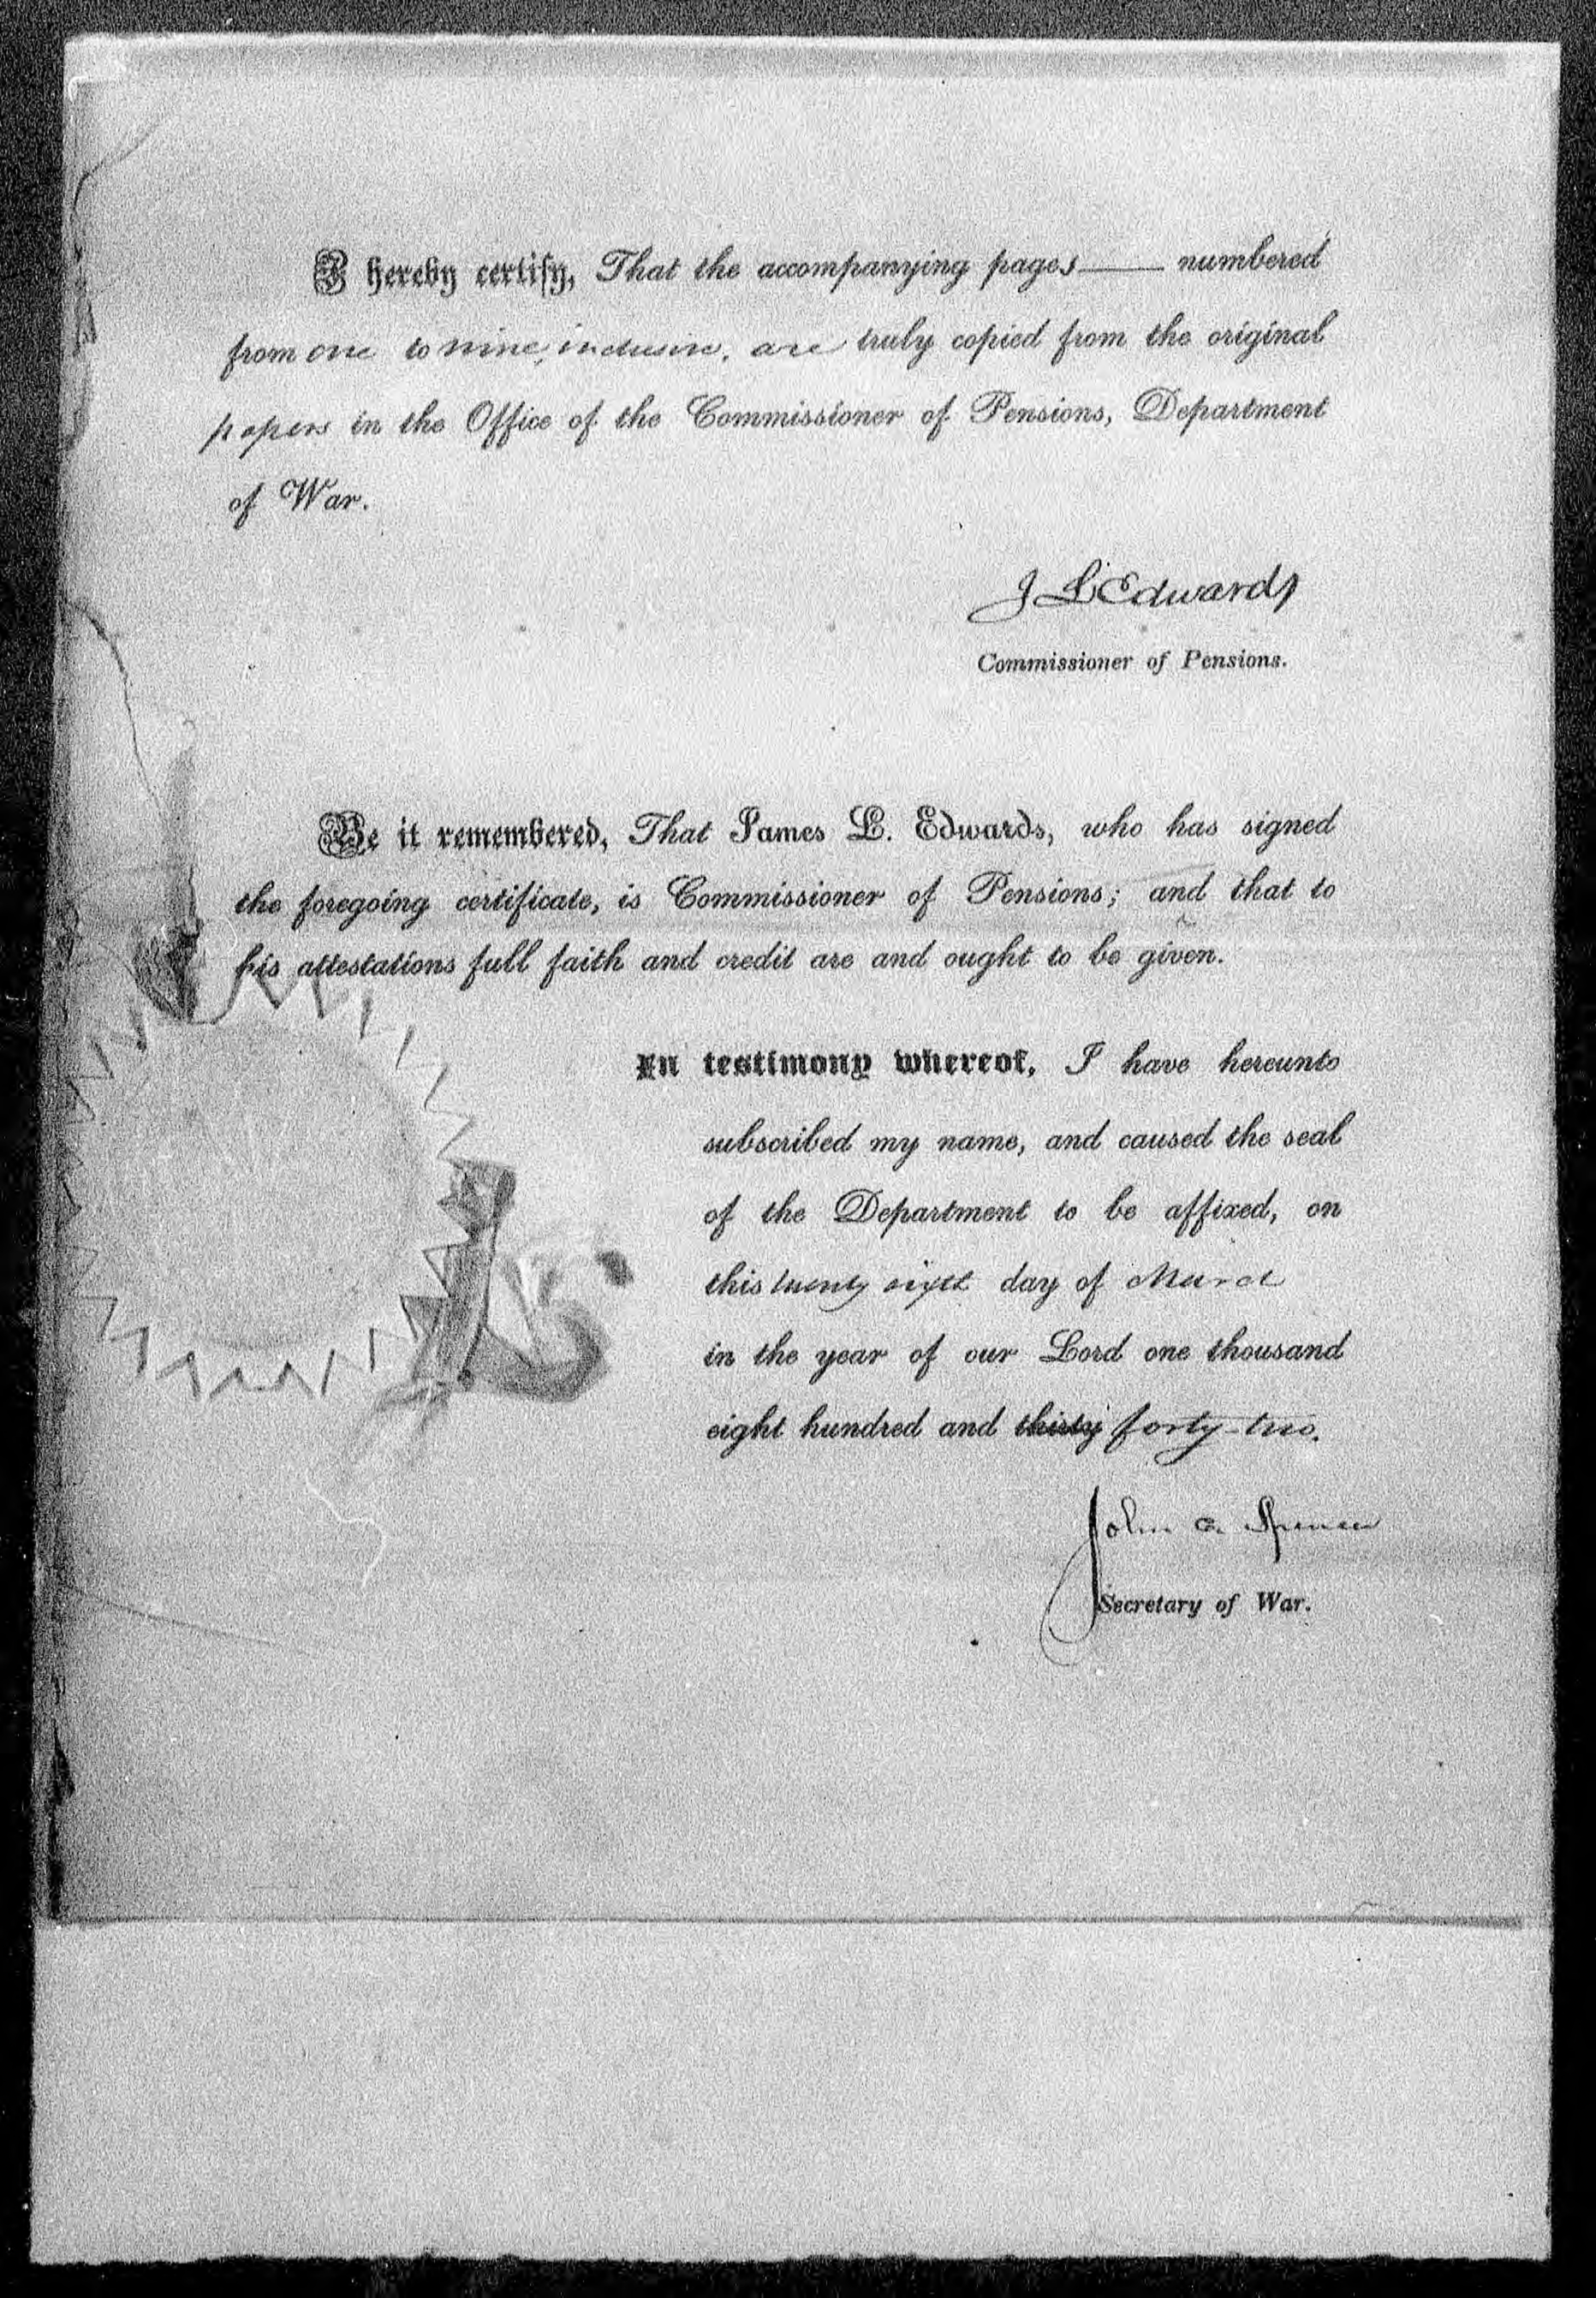I hereby certify, That the accompanying pages ------------ numbered from one to nine, inclusive are truly copied from the original papers in the Office of the Commissioner of Pensions, Department of War.

J L Edwards
Commissioner of Pensions

Be it remembered, That James L. Edwards, who has signed the foregoing certificate, is Commissioner of Pensions; and that to his attestations full faith and credit are and ought to be given.
In testimony whereof, I have hereunto subscribed my name, and caused the seal of the Department to be affixed, on this twenty sixth day of March in the year of our Lord one thousand eight hundred and forty two.
John A Spencer
Secretary of War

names: James L Edwards, J L Edwards, John C Spencer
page: 23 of 68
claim: rejected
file: R. 2,360, John Couch, Conn.